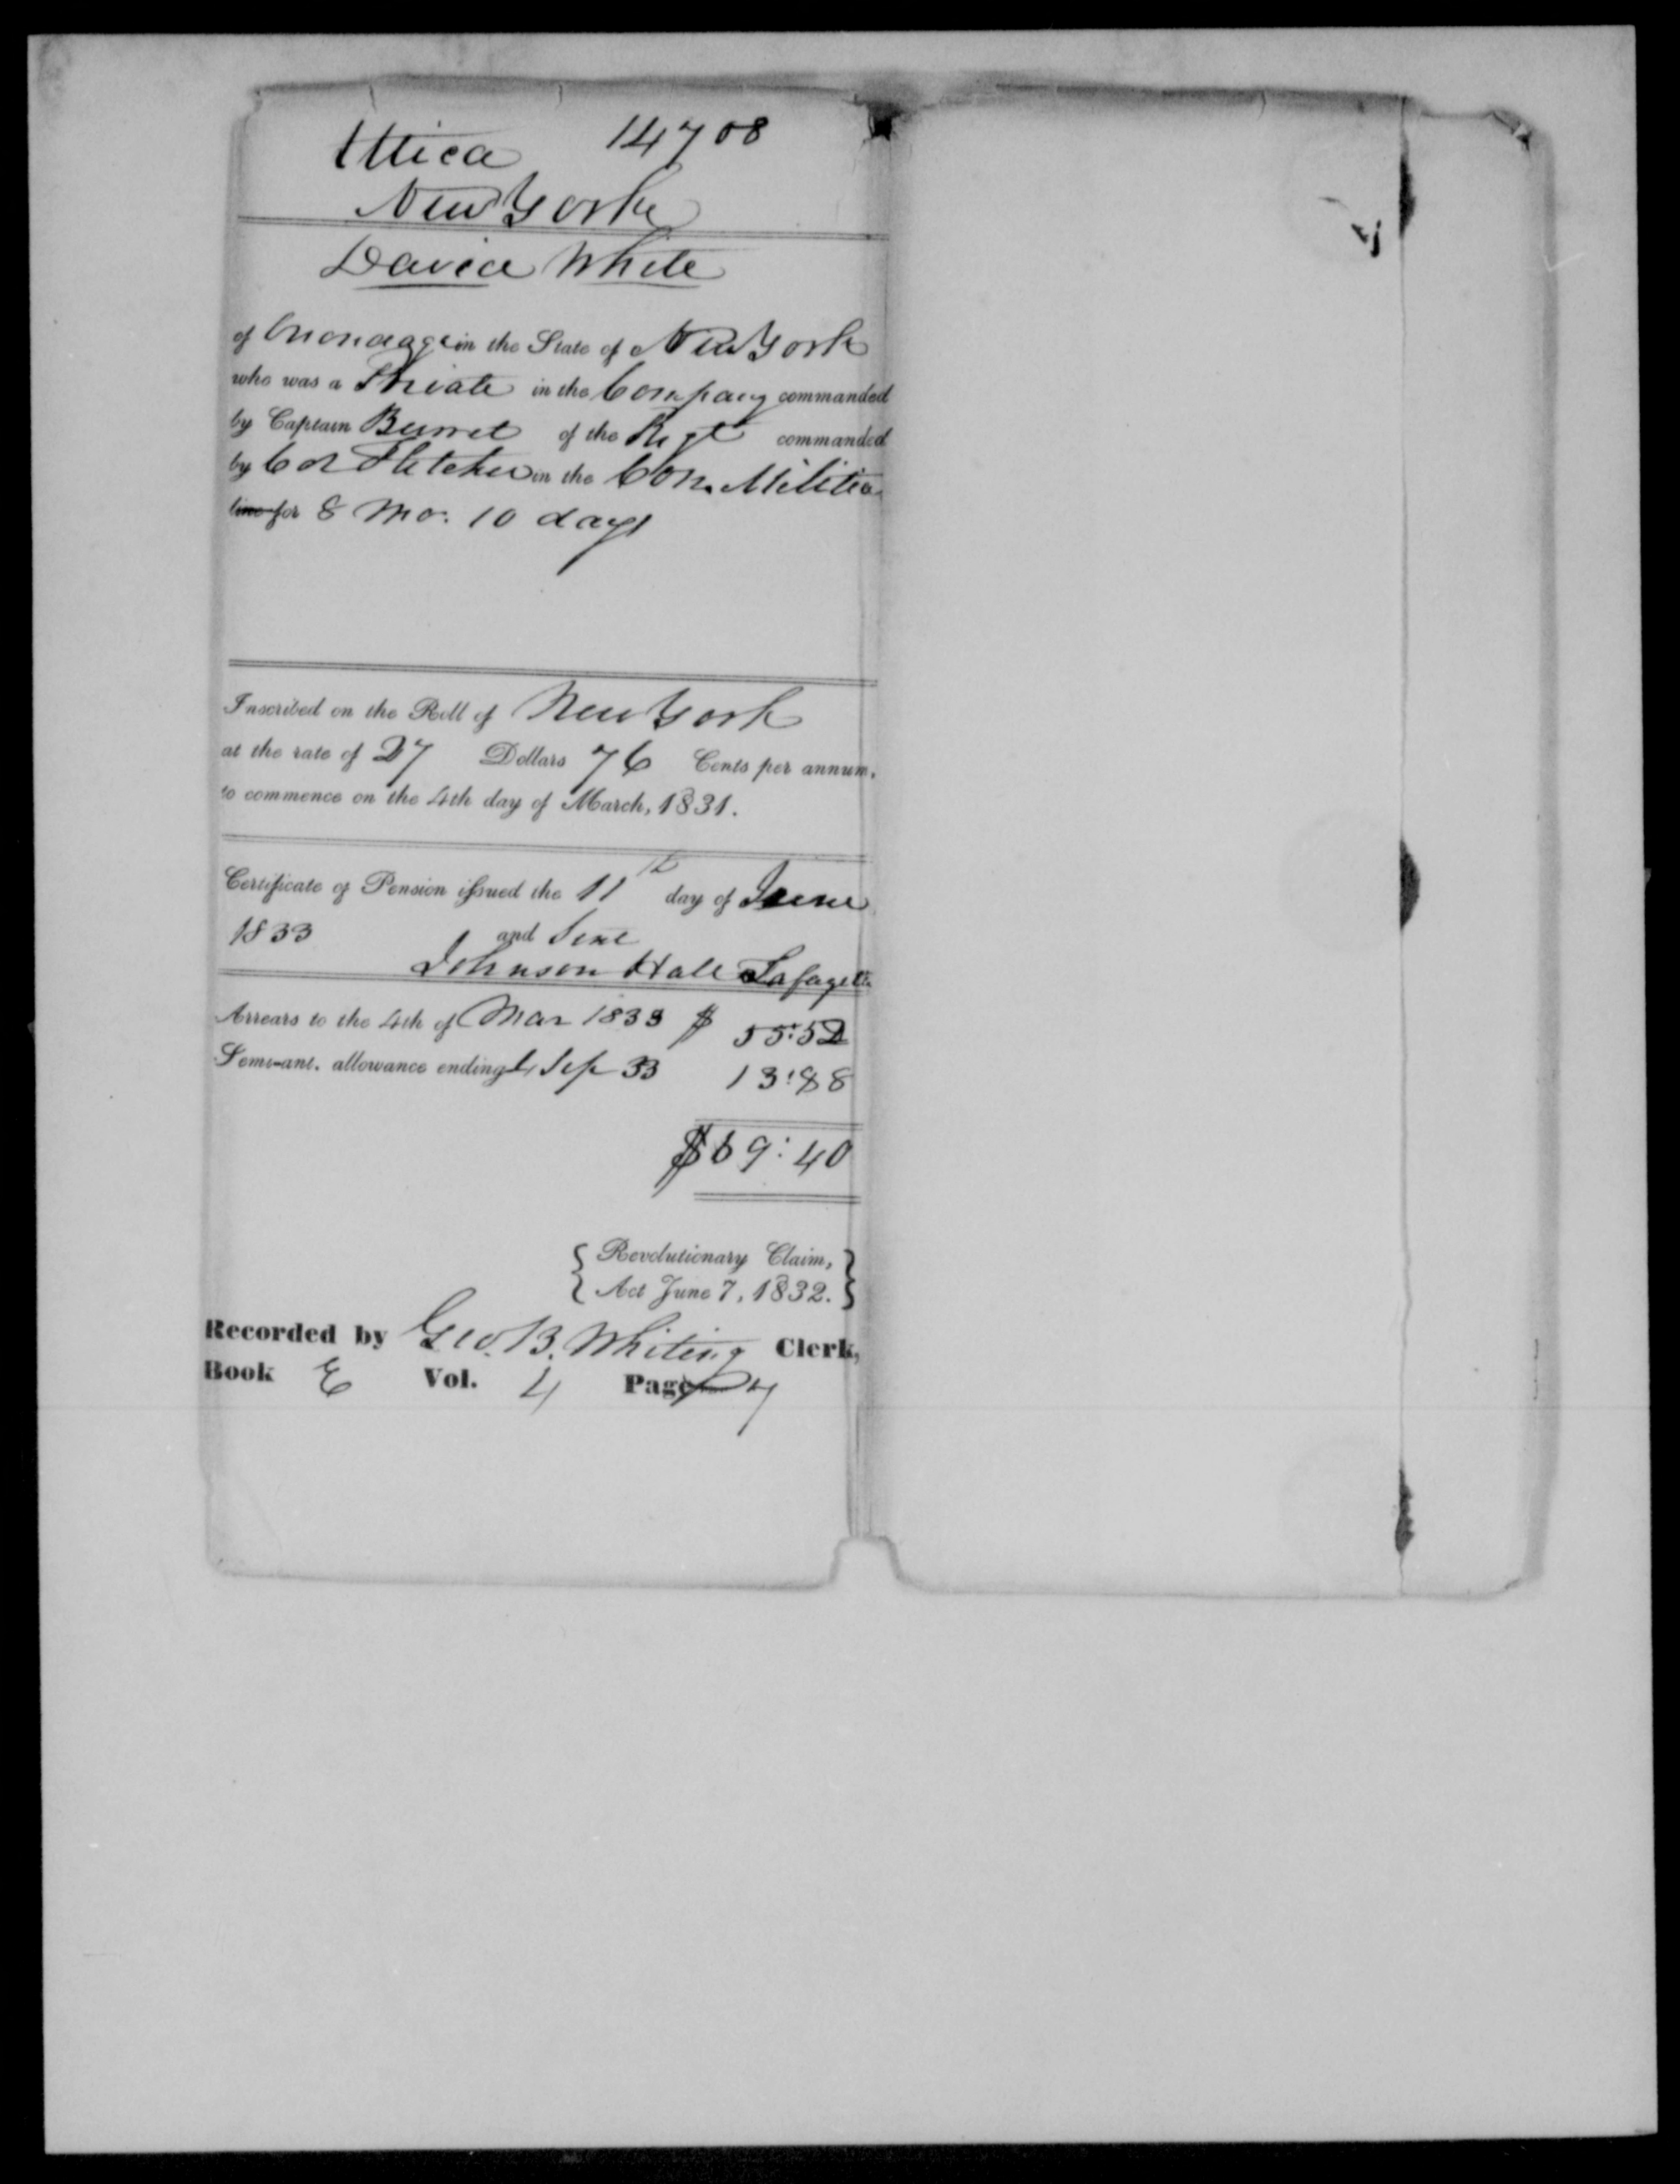Ithica  14708
New York

David White

of Onondaga in the State of New York who was a Private in the Company commanded by Captain Burrel[l] of the Regt commanded by Cor Fletcher in the Con. Militia line for 8 mo. 10 days.

Transcribed on the Roll of New York at the rate of 27 Dollars 76 Cents per annum, to commence on the 4th day of March, 1834.

Certificate of Pension issued the 11th day of June 1833 and Sent Johnson Hall, Lafayette.

Arrears to the 4th of Mar 1833 $55.52
Semi-ans. allowance ending 1 Sept '33 13.88

(total) $69.40

{Revolutionary Claim, Act June 7, 1832}

Recorded by Geo. B. Whiting Clerk, Book E Vo. 4 Page []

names: Burrel, Johnson Hall, Geo B Whiting, David White, Fletcher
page: 2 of 63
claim: widow's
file: W. 18403, David White, Conn.